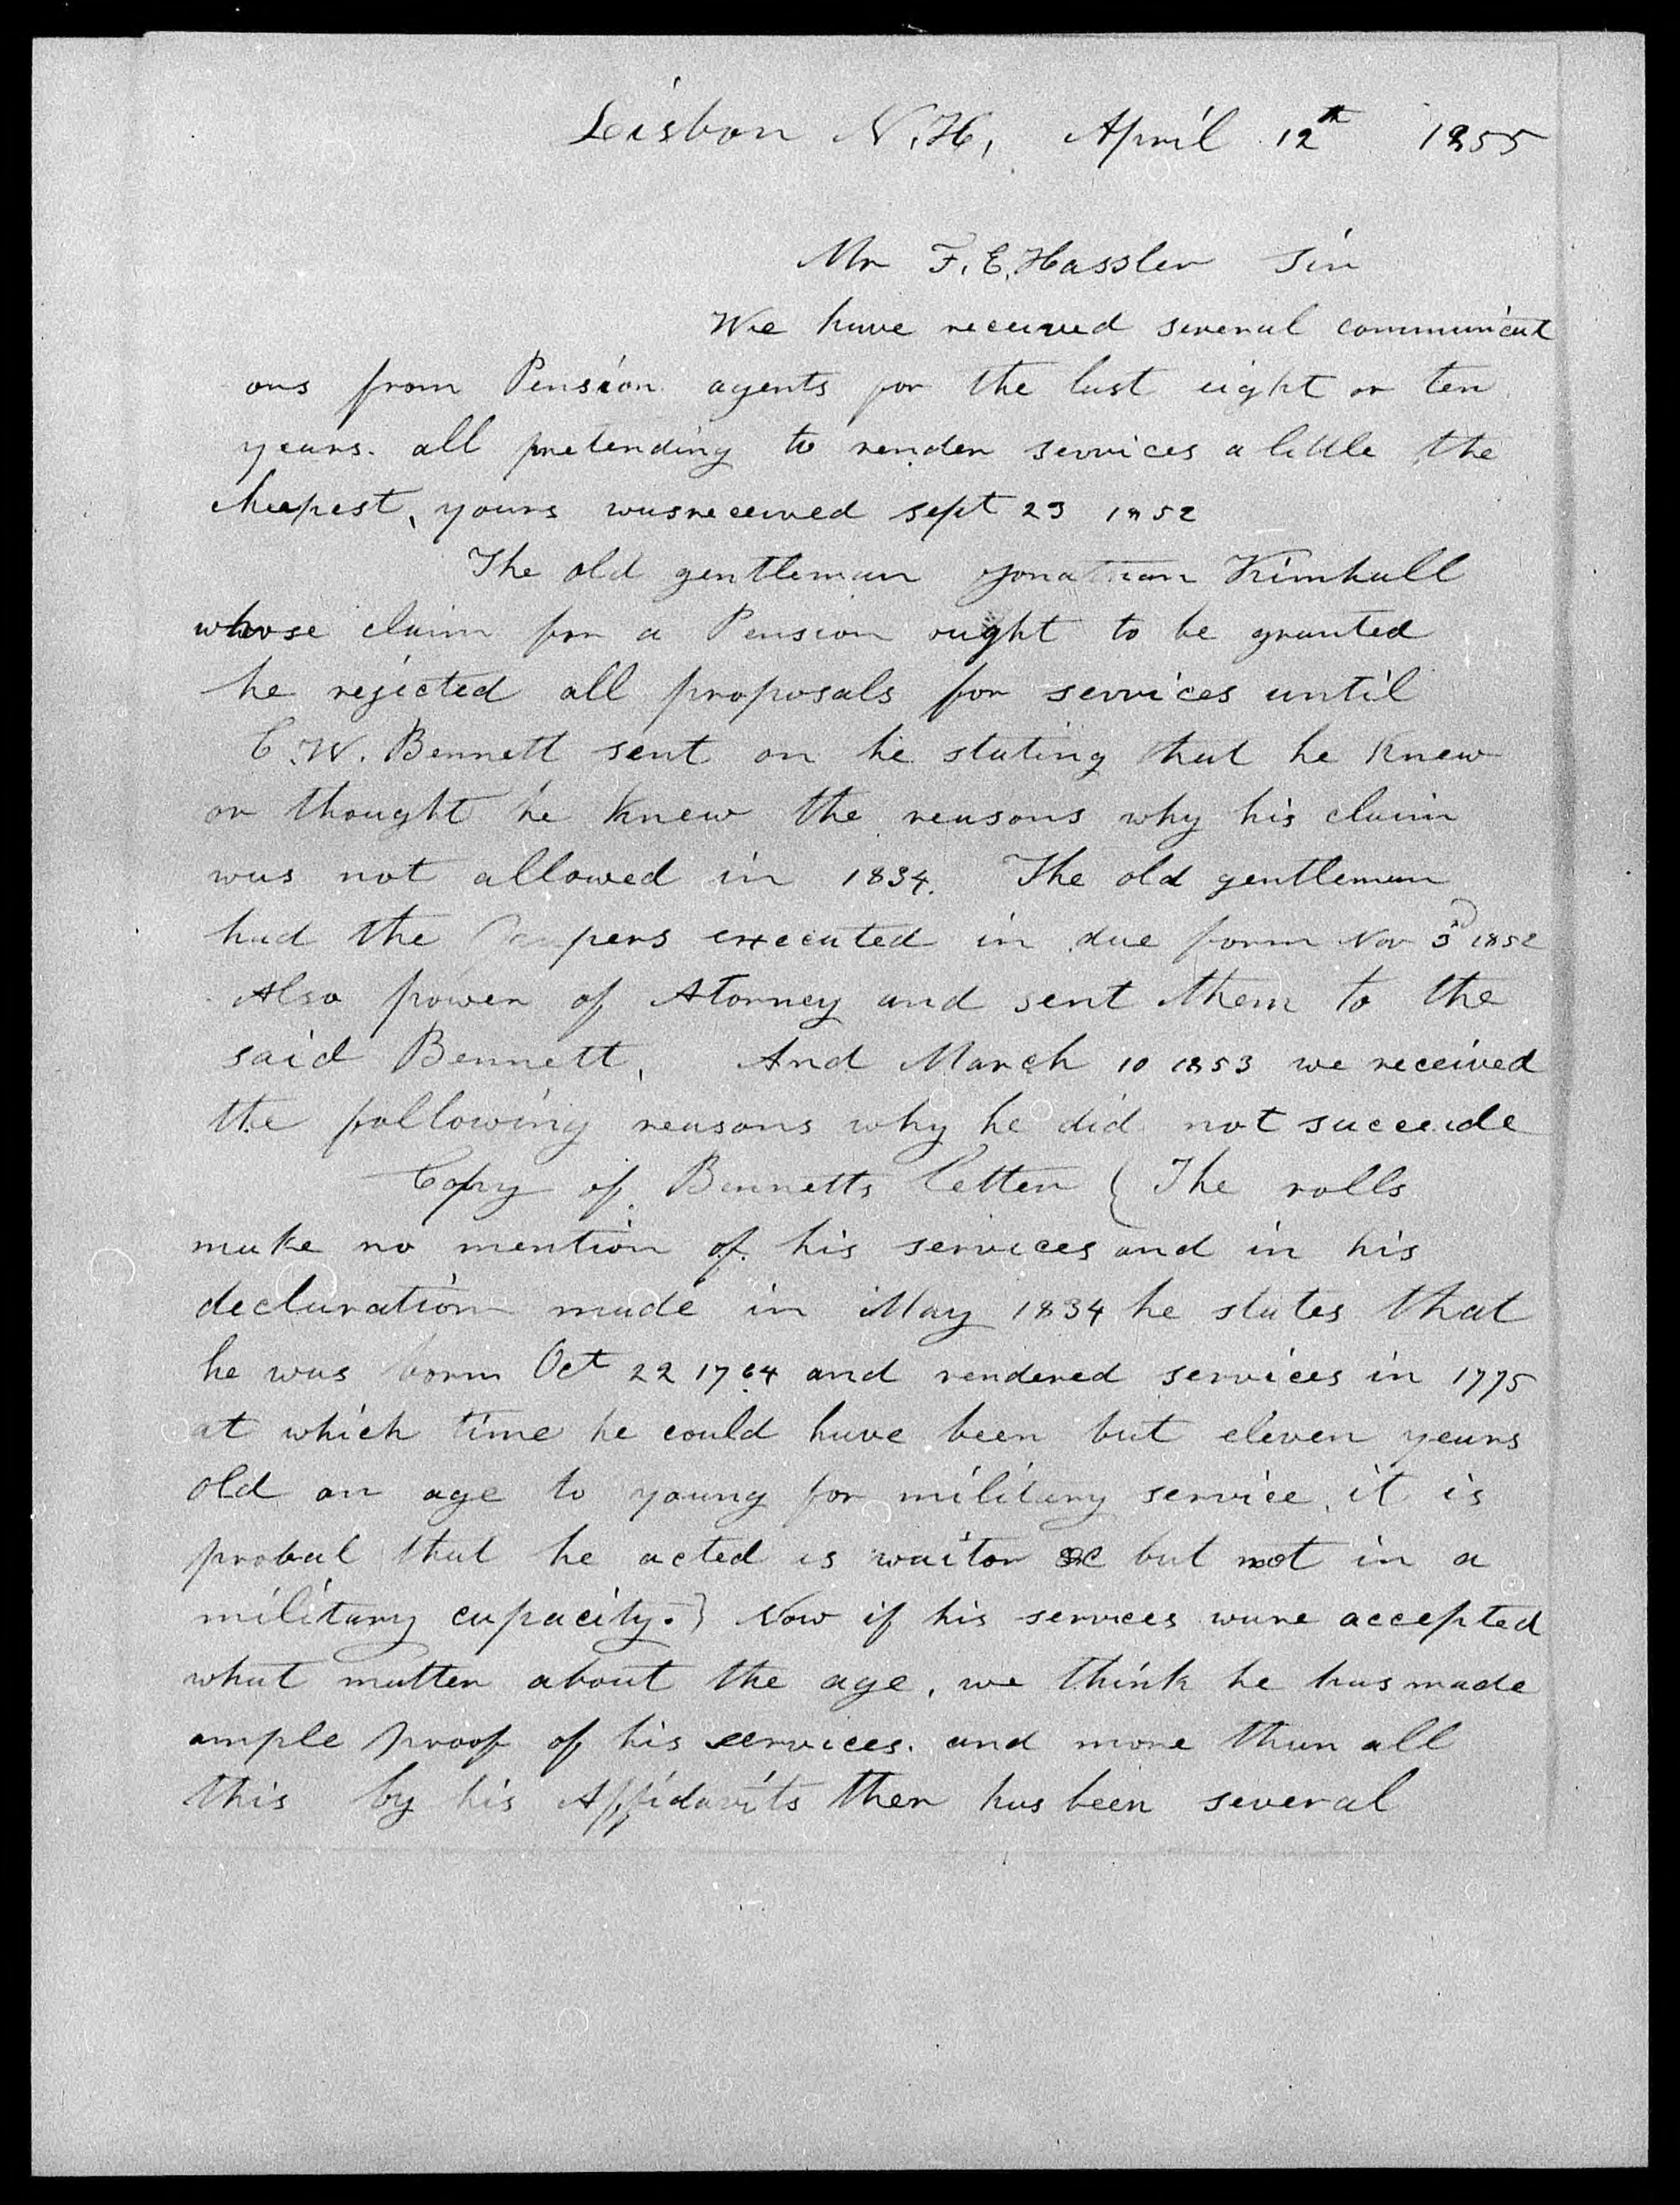Lisbon N.H. April 12th 1855

Mr. F. E. Hassler Sir We have received several communications from Pension agents for the last eight or ten years all pretending to render services a little the cheapest, yours was received Sept 23 1852 The old gentleman Jonathan Kimball whose claim for a Pension right to be granted he rejected all proposals for services until C. W. Bennett sent on he stating that he knew or thought he knew the reasons why his claim was not allowed in 1834. The old gentlemen had the papers executed in due form Nov 3rd 1852 Also power of Attorney and sent them to the said Bennett, And March 10 1853 we received the following reasons why he did not succeed Copy of Bennetts [sic] letter (The rolls make no mention of his services and in his declaration made in May 1834 he states that he was born Oct 22 1764 and rendered service in 1775 at which time he could have been but eleven years old an age to [sic] young for military service. it is probabl [sic] that he acted as waiter &c but not in a military capacity.) Now if his services were accepted what matter about the age, we think he has made ample proof of his services, and more than all this by his Affidavits there has been several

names: F E Hassler; Jonathan Kimball; C W Bennett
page: 6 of 14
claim: rejected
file: R 5922, for Jonathan Kimball, New Hampshire